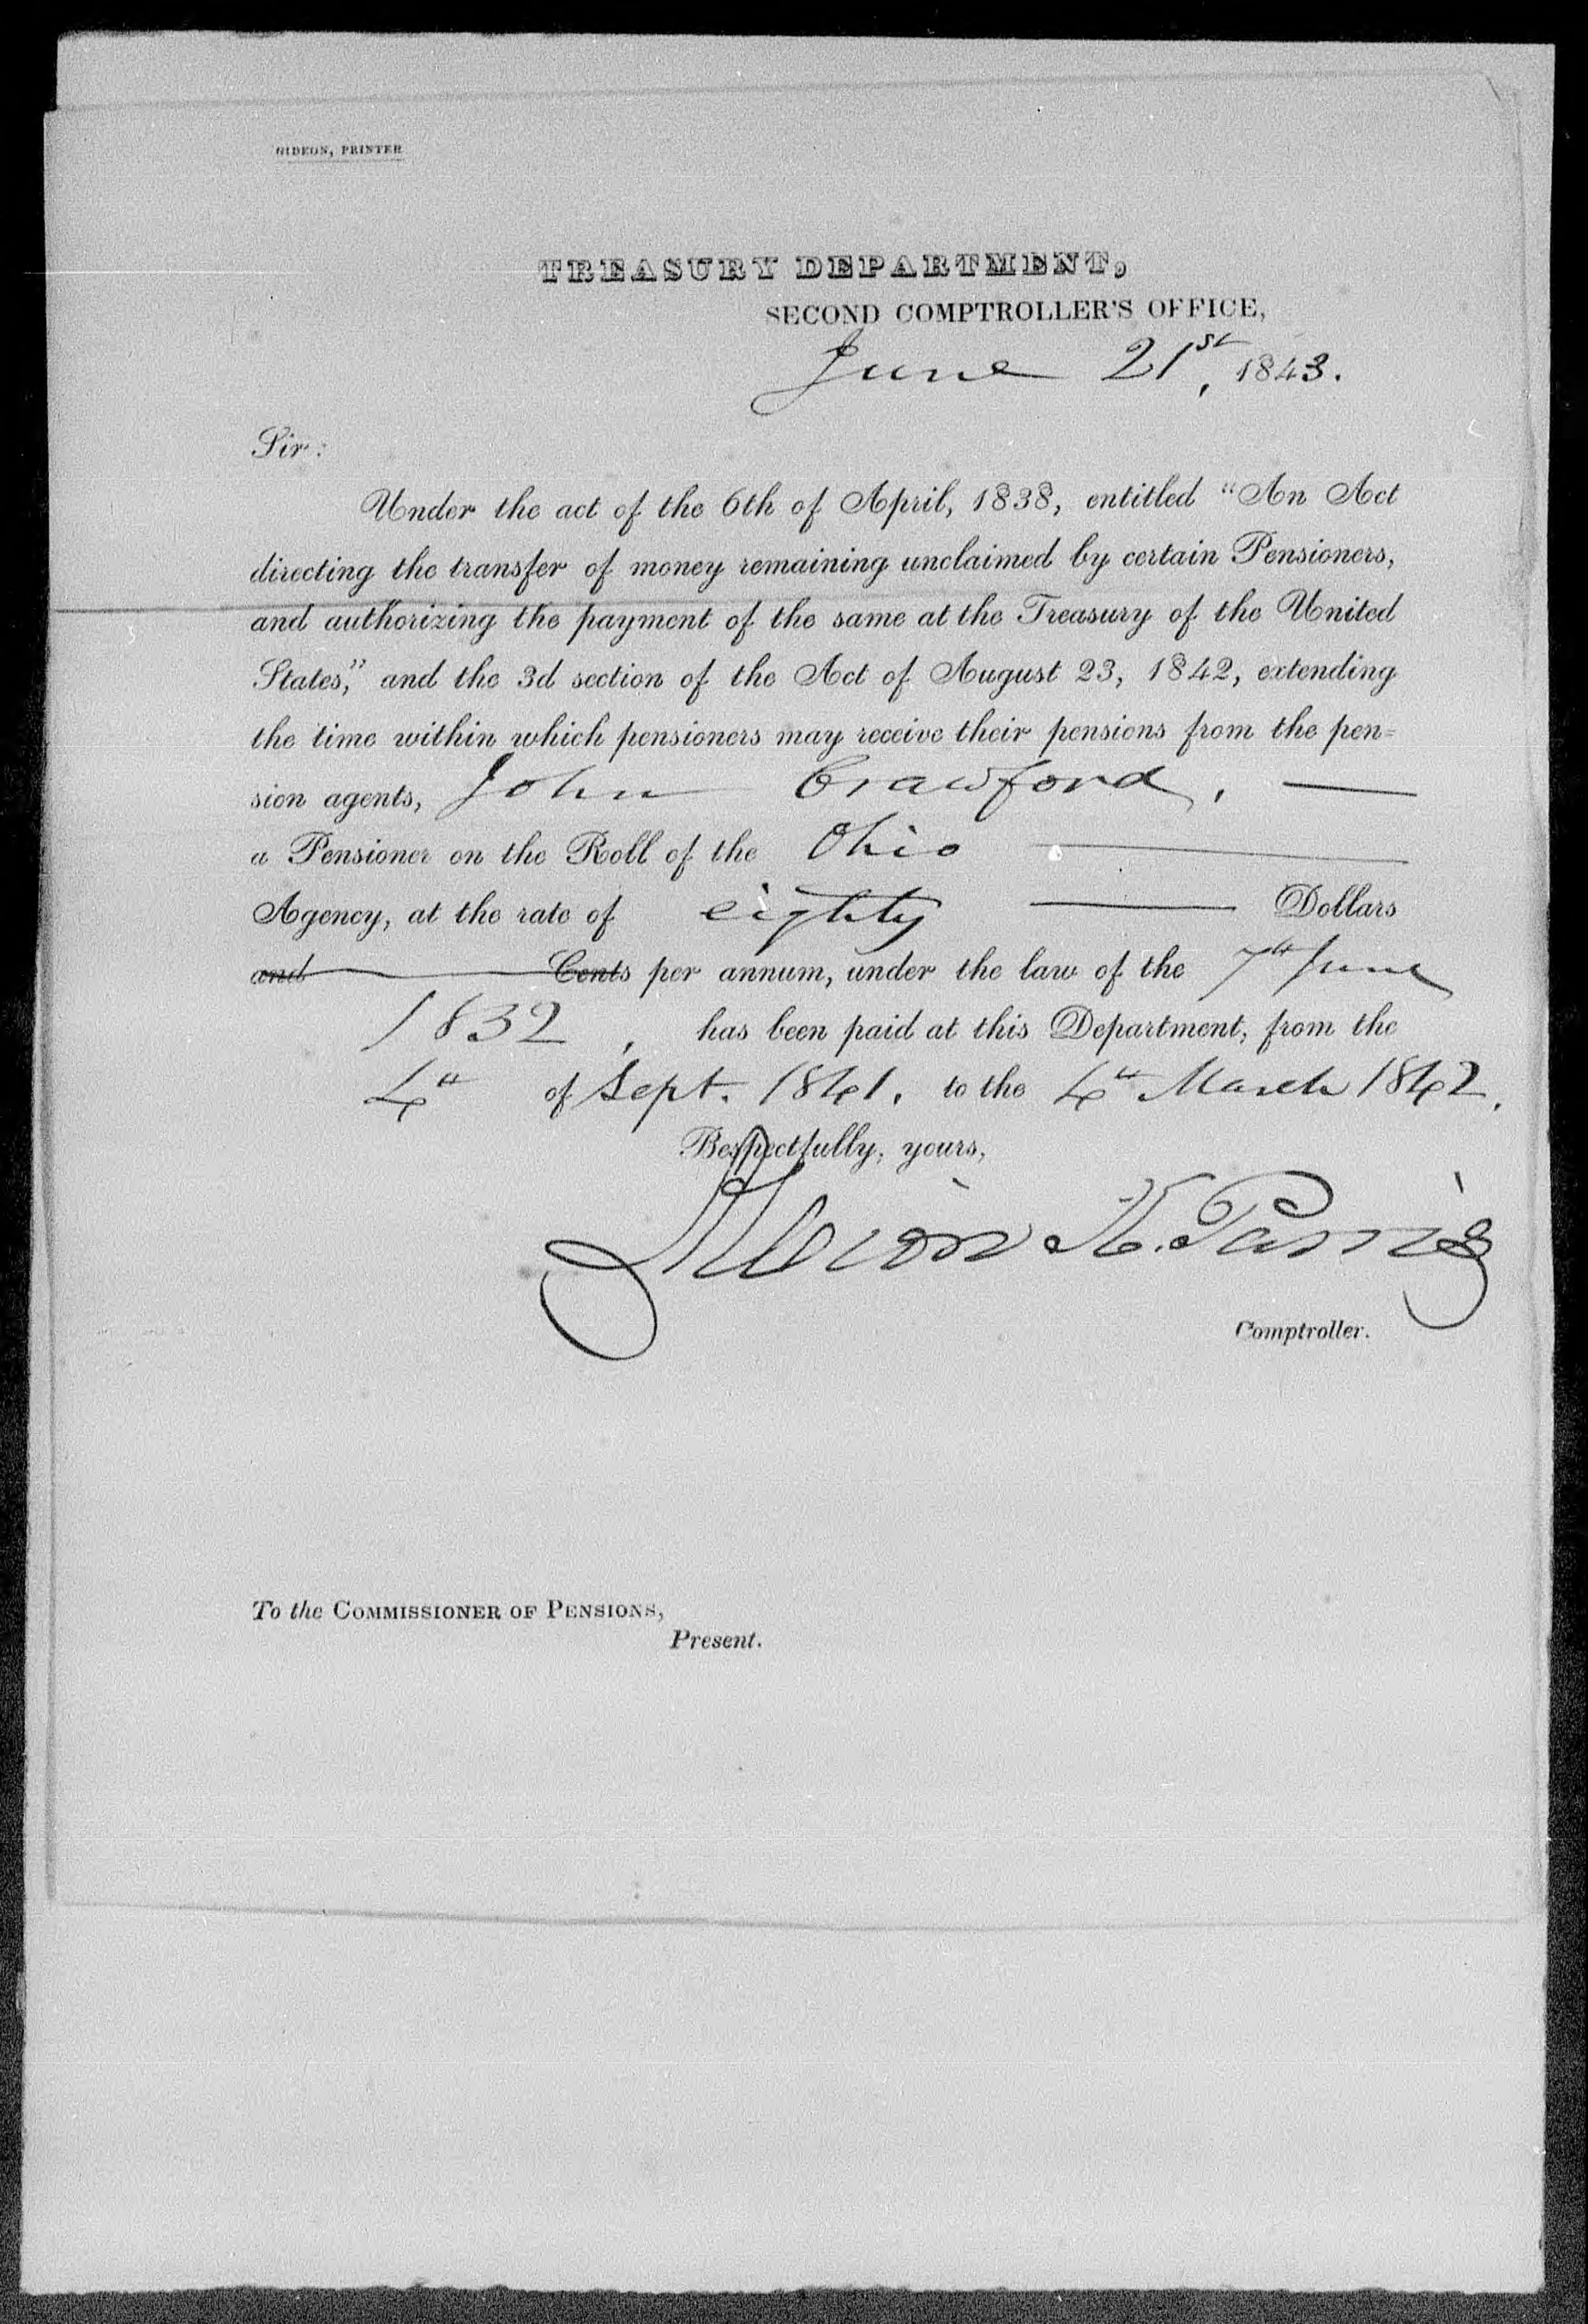GIDEON, PRINTER

TREASURY DEPARTMENT
SECOND COMPTROLLER'S OFFICE,
June 21st 1843.

Sir,
Under the act of the 6th of April, 1838, entitled "An Act directing the transfer of money remaining unclaimed by certain Pensioners, and authorizing the payment of the same at the Treasury of the United States ," and the 3d section of the Act of August 23, 1842, extending
the time within which pensioners may receive their pensions from the pension agents, John
Crawford a Pensioner on the Roll of the Ohio Agency, at the rate of eighty dollars per annum, under the law of the 7th June 1832, has been paid at this Department, from the 4th of Sept. 1841, to the 4th March 1842
Respectfully, yours,
Albion Parris
Comptroller.

To the COMMISSIONER OF PENSIONS,
Present.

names: John Crawford, Albion K Parris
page: 65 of 80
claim: widow's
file: W 2070, John Crawford, Penn.